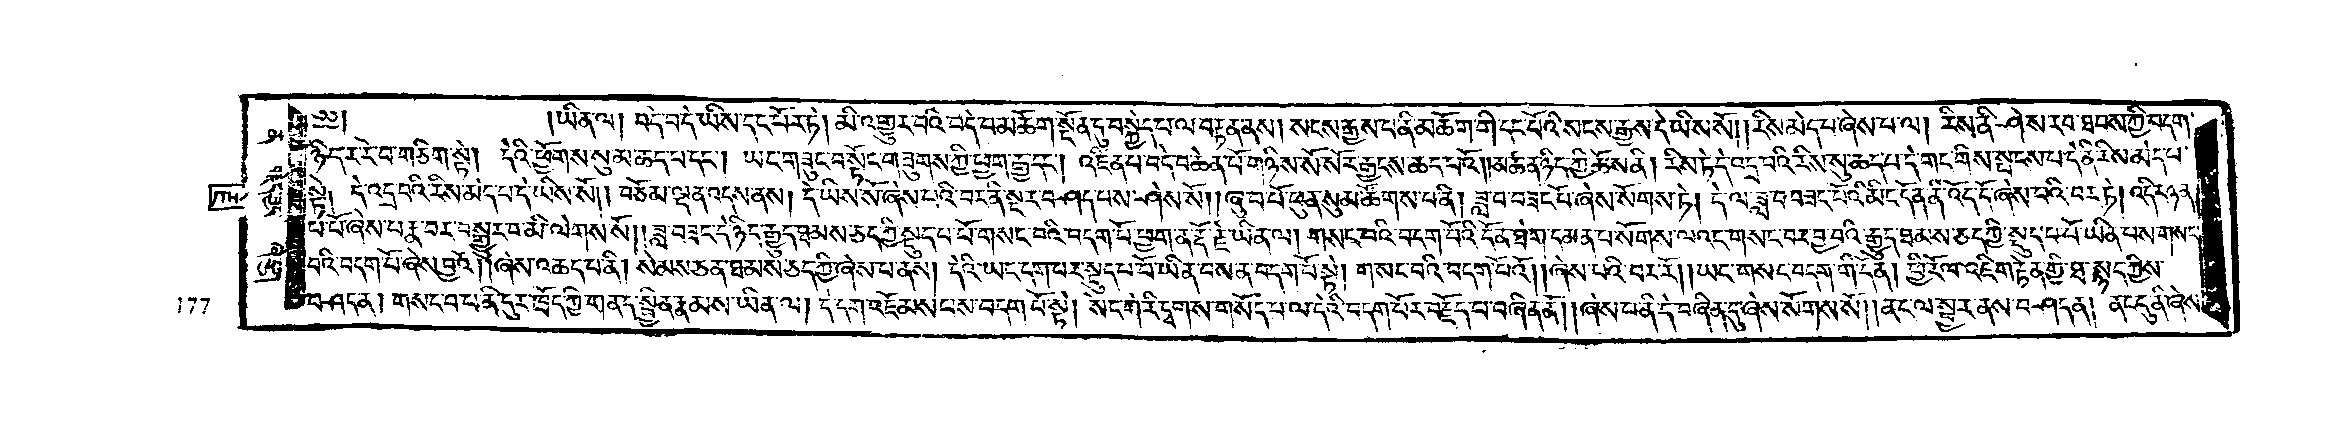༄༅། །ཡིན་ལ། བདེ་བ་དེ་ཡིས་དང་པོར་ཏེ། མི་འགྱུར་བའི་བདེ་བ་མཆོག་སྔོན་དུ་བསྐྱེད་པ་ལ་བརྟན་ནས། སངས་རྒྱས་པ་ནི་མཆོག་གི་དང་པོའི་སངས་རྒྱས་དེ་ཡིས་སོ། །རིས་མེད་པ་ཞེས་པ་ལ། རིས་ནི་ཤེས་རབ་ཐབས་ཀྱི་བདག་
ཉིད་ར་རེ་བ་གཅིག་སྟེ། དེའི་ཕྱོགས་སུ་མ་ཆད་པ་དང་། ཡང་གཟུང་བ་སྟོང་གཟུགས་ཀྱི་ཕྱག་རྒྱ་དང་། འཛིན་པ་བདེ་བ་ཆེན་པོ་གཉིས་སོ་སོར་རྒྱངས་ཆད་པའོ། །མཚན་ཉིད་ཀྱི་ཆོས་ནི། རིས་ཏེ་དེ་འདྲ་བའི་རིས་སུ་ཆད་པ་དེ་གང་གིས་སྤངས་པ་དེ་ནི་རིས་མེད་པ་
སྟེ། དེ་འདྲ་བའི་རིས་མེད་པ་དེ་ཡིས་སོ། །བཅོམ་ལྡན་འདས་ནས། དེ་ཡིས་སོ་ཞེས་པའི་བར་ནི་སྔར་བཤད་པས་ཤེས་སོ། །ཞུ་བ་པོ་ཕུན་སུམ་ཚོགས་པ་ནི། ཟླ་བ་བཟང་པོ་ཞེས་སོགས་ཏེ། དེ་ལ་ཟླ་བ་བཟང་པོའི་མིང་དོན་ནི་འོད་དོ་ཞེས་པའི་བར་ཏེ། འདིར་ཉན་
པ་པོ་ཞེས་པ་རྣ་བར་བསྒྱུར་བ་མི་ལེགས་སོ། །ཟླ་བཟང་དེ་ཉིད་རྒྱུད་ཐམས་ཅད་ཀྱི་སྡུད་པ་པོ་གསང་བའི་བདག་པོ་ཕྱག་ན་རྡོ་རྗེ་ཡིན་ལ། །གསང་བའི་བདག་པོའི་དོན་ཐེག་དམན་པ་སོགས་ལའང་གསང་བར་བྱ་བའི་རྒྱུད་ཐམས་ཅད་ཀྱི་སྡུད་པ་པོ་ཡིན་པས་གསང་
བའི་བདག་པོ་ཞེས་བྱའོ། །ཞེས་འཆད་པ་ནི། སེམས་ཅན་ཐམས་ཅད་ཀྱི་ཞེས་པ་ནས། དེའི་ཡང་དག་པར་སྡུད་པ་པོ་ཡིན་པས་ན་བདག་པོ་སྟེ། གསང་བའི་བདག་པོའོ། །ཞེས་པའི་བར་རོ། །ཡང་གསང་བདག་གི་དོན། ཕྱི་རོལ་འཇིག་རྟེན་གྱི་ཐ་སྙད་ཀྱིས་
བཤད་ན། གསང་བ་པ་ནི་དུར་ཁྲོད་ཀྱི་གནད་སྦྱིན་རྣམས་ཡིན་ལ། དེ་དག་འཇོམས་པས་བདག་པོ་སྟེ། སེང་གེ་རི་དྭགས་གསོད་པ་ལ་དེའི་བདག་པོར་བརྗོད་པ་བཞིན་ནོ། །ཞེས་པ་ནི་དེ་བཞིན་དུ་ཞེས་སོགས་སོ། །ནང་ལ་སྦྱར་ནས་བཤད་ན། ནང་དུ་ནི་ཞེས་